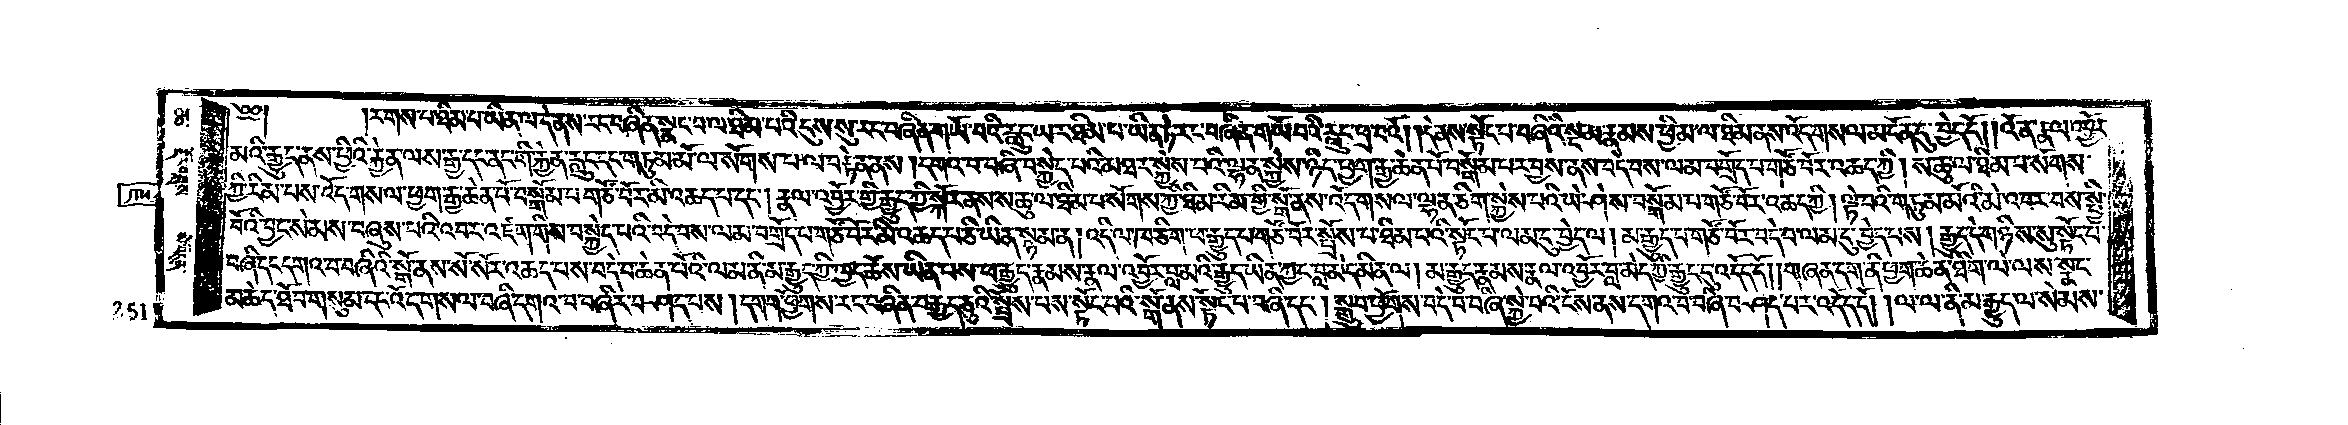༄༅། །རགས་པ་ཐིམ་པ་ཡིན་ལ་དེ་ནས་རང་བཞིན་སྣང་བ་ལ་ཐིམ་པའི་དུས་སུ་རང་བཞིན་གཡོ་བའི་རླུང་ཡར་ཐིམ་པ་ཡིན་ཏེ་རང་བཞིན་གཡོ་བའི་རླུང་ཕྲ་བའོ། །དེ་ནས་སྟོང་པ་བཞིའི་སྔ་མ་རྣམས་ཕྱི་མ་ལ་ཐིམ་ནས་འོད་གསལ་མངོན་དུ་བྱེད་དོ། །འོ་ན་རྣལ་འབྱོར་
མའི་རྒྱུད་ནས་ཕྱིའི་རྐྱེན་ལས་རྒྱ་དང་ནང་གི་རྐྱེན་རླུང་དང་གཏུམ་མོ་ལ་སོགས་པ་ལ་བརྟེན་ནས། དགའ་བ་བཞི་བསྐྱེད་པའི་མཐར་སྐྱེས་པའི་ལྷན་སྐྱེས་ཉིད་ཕྱག་རྒྱ་ཆེན་པོ་བསྒོམ་པར་བྱས་ནས་བདེ་བས་ལམ་བགྲོད་པ་གཙོ་བོར་འཆད་ཀྱི། ས་ཆུ་ལ་ཐིམ་པ་སོགས་
ཀྱི་རིམ་པས་འོད་གསལ་ཕྱག་རྒྱ་ཆེན་པོ་བསྒོམ་པ་གཙོ་བོར་མི་འཆད་པ་དང་། རྣལ་འབྱོར་གྱི་རྒྱུད་ཀྱི་སྐོར་ནས་ས་ཆུ་ལ་ཐིམ་པ་སོགས་ཀྱི་ཐིམ་རིམ་གྱི་སྒོ་ནས་འོད་གསལ་ལྷན་ཅིག་སྐྱེས་པའི་ཡེ་ཤེས་བསྒོམ་པ་གཙོ་བོར་འཆད་ཀྱི། ལྟེ་བའི་གཏུམ་མོའི་མེ་འབར་བས་སྤྱི་
བོའི་བྱང་སེམས་བཞུས་པའི་འབར་འཛག་གིས་བསྐྱེད་པའི་བདེ་བས་ལམ་བགྲོད་པ་གཙོ་བོར་མི་འཆད་པ་ཅི་ཡིན་སྙམ་ན། འདི་ལ་ཁ་ཅིག་ཕ་རྒྱུད་པ་གཙོ་བོར་སྤྲོས་པ་ཐིམ་པའི་སྟོང་པ་ལམ་དུ་བྱེད་ལ། མ་རྒྱུད་པ་གཙོ་བོར་བདེ་བ་ལམ་དུ་བྱེད་པས། རྒྱུད་དེ་གཉིས་སུ་སྟོང་པ་
བཞི་དང་དགའ་བ་བཞིའི་སྒོ་ནས་སོ་སོར་འཆད་པས་བདེ་བ་ཆེན་པོའི་ལམ་ནི་མ་རྒྱུད་ཀྱི་ཁྱད་ཆོས་ཡིན་པས་ཕ་རྒྱུད་རྣམས་རྣལ་འབྱོར་བླ་མའི་རྒྱུད་ཡིན་ཀྱང་བླ་མེད་མིན་ལ། མ་རྒྱུད་རྣམས་རྣལ་འབྱོར་བླ་མེད་ཀྱི་རྒྱུད་དུ་འདོད་དོ། །གཞན་དག་ནི་ཕྱག་ཆེན་ཐིག་ལེ་ལས་སྣང་
མཆེད་ཐོབ་གསུམ་དང་འོད་གསལ་བཞི་དགའ་བ་བཞིར་བཤད་པས། དགག་ཕྱོགས་རང་བཞིན་བརྒྱད་ཅུའི་སྤྲོས་པས་སྟོང་པའི་སྒོ་ནས་སྟོང་པ་བཞི་དང་། སྒྲུབ་ཕྱོགས་བདེ་བ་བཞི་སྐྱེ་བའི་ངོས་ནས་དགའ་བ་བཞི་བཤད་པར་འདོད་དོ། །ལ་ལ་ནི་མ་རྒྱུད་ལ་སེམས་